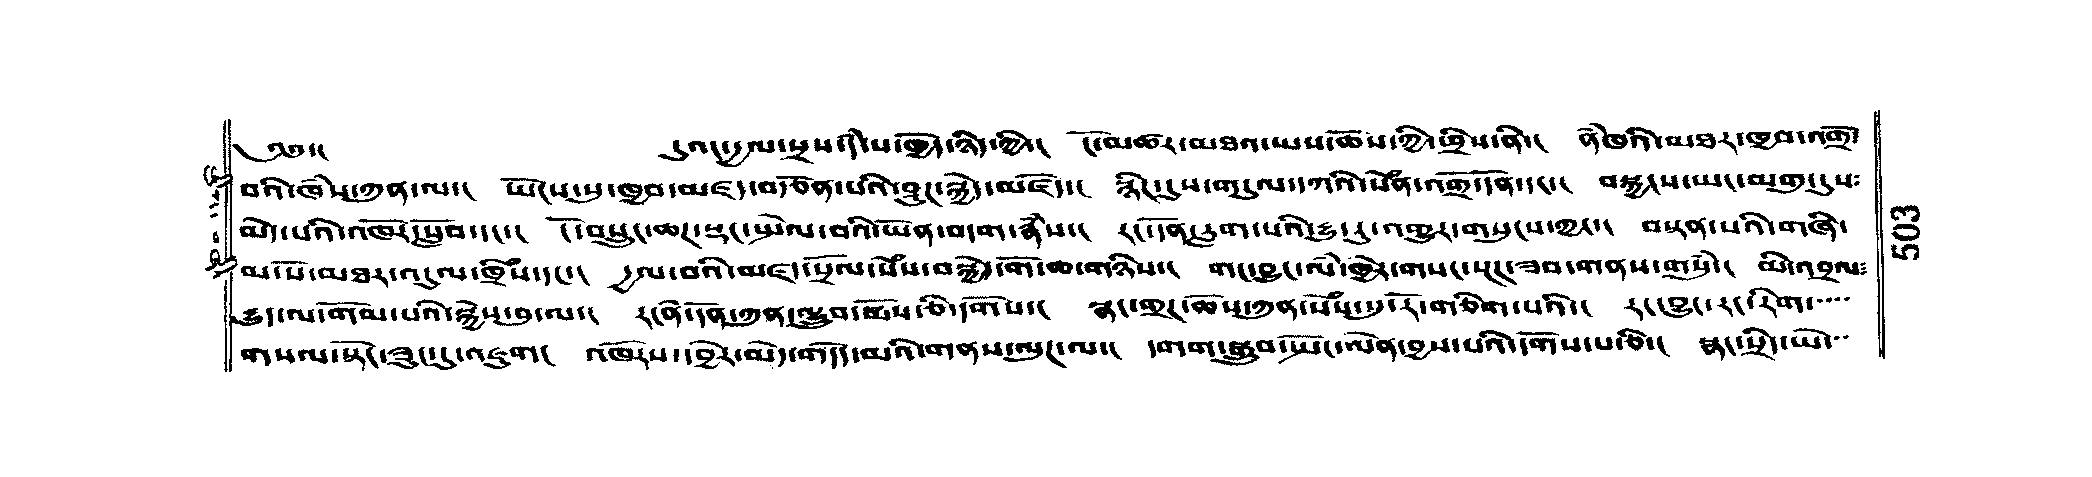དུའང་རྒྱལ་སྲས་དམ་པ་ཁྱོད་ཉིད་ཀྱི། །ངོ་མཚར་མཐའ་ཡས་ཆོས་ཀྱི་ཕྲིན་ལས་ནི། །ནམ་མཁའི་མཐར་ཁྱབ་འགྲོ་
བའི་ཁམས་ཀུན་ལ། །ཡོངས་སུ་ཁྱབ་མཛད་བརྩོན་པའི་ཤུགས་སྐྱེད་མཛོད། །སྙིགས་དུས་གདུལ་དཀའི་སེམས་ཅན་འགྲོ་དོན་དང་། །བསྐྱངས་ཡང་མགུ་དུས་
མེད་པའི་འཁོར་སློབ་དང་། །ངོ་བསྲུང་ཆགས་སྡང་སྤེལ་བའི་ཡོན་བདག་རྣམས། །རང་དོན་རླག་པའི་རྒྱུ་རུ་འགྱུར་གསུངས་ཀྱང་། །བསྟན་པའི་གཞི་
མ་སོ་ཐར་འདུལ་ཁྲིམས་དང་། །རྒྱལ་བའི་མཛད་སྲོལ་སེམས་བསྐྱེད་གོ་ཆ་གཉིས། །གང་བྱུང་ལམ་ཁྱེར་གསང་སྔགས་ཟབ་གནད་གསུམ། །མི་འབྲལ་
རྒྱུད་ལ་གོམ་པའི་སྐྱེས་བུ་ལ། །རང་གཞན་དོན་ཀུན་ལྷུན་གྲུབ་སྨོས་ཅི་དགོས། །སྣང་གྲགས་ཆོས་ཀུན་སེམས་སུ་རོ་གཅིག་པའི། །རང་བྱུང་རང་རིག་
གསལ་སྟོང་ཟུང་དུ་འཇུག །འཁོར་འདས་དབྱེར་མེད་གདོད་མའི་གནས་ལུགས་ལ། །དགག་སྒྲུབ་སྤོང་ལེན་བྱས་པའི་དགོས་པ་ཅི། །སྣང་སྲིད་ཡེ་